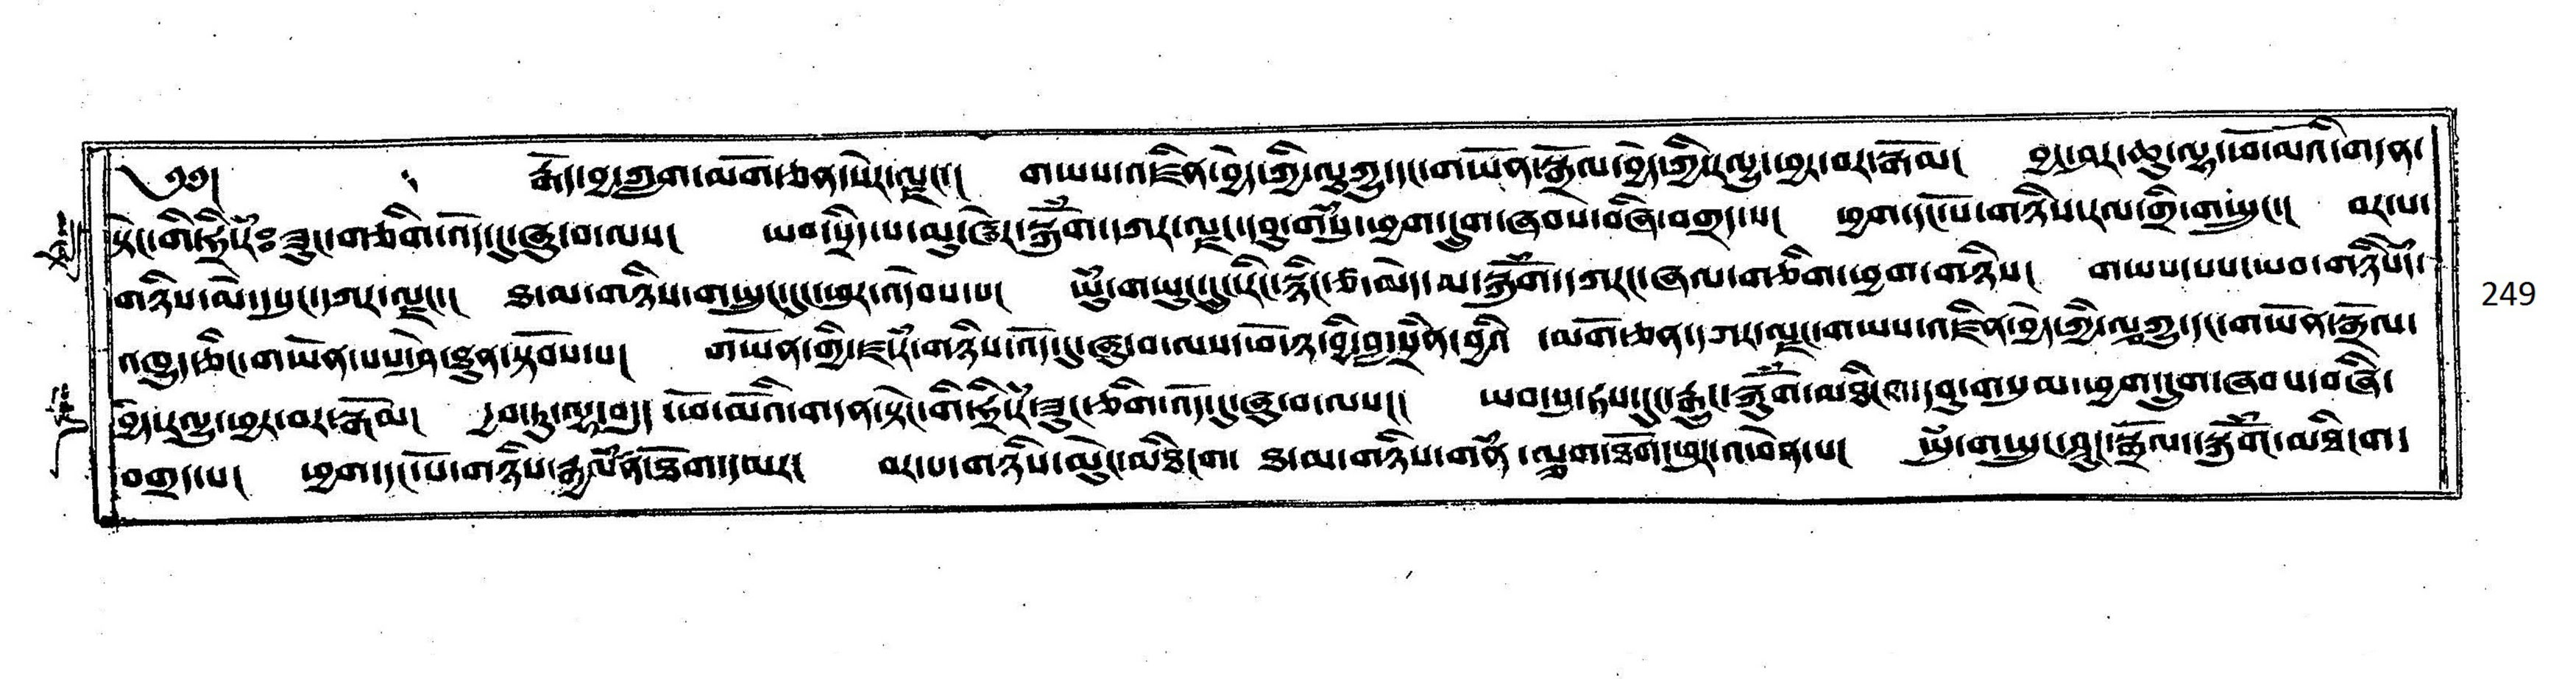རྒོད་བྱ་ཀླག་མགོ་ཅན་སེར་ལྗང་། གཡས་འཛིན་བྱེད་ཀྱི་ལྕག་ཀྱུ་དང་གཡོན་སྒྲོལ་བྱེད་ཀྱི་རལ་ཀྱུ་ཕྱར་བར་སྒོམ། བྱར་ཤར་ཆུ་ལྷ་ཕོ་མོའི་གདན་
སྟེང་གི་ཧྲི་རཾཿཟུང་གཅིག་འོད་དུ་ཞུ་བ་ལས། ཡབ་སྲིད་པ་མུ་ཝེར་སྐུ་མདོག་དཀར་ལྗང་དབུ་གསུམ་ཕྱག་དྲུག་ཞབས་བཞི་བགྲད་པ། ཕྱག་དང་པོ་གཉིས་རལ་གྲི་གཡུང་དྲུང་། བར་པ་
གཉིས་མེ་དཔུང་དཀར་ལྗང་། ཐ་མ་གཉིས་གཡུང་དྲུང་དུང་ཕུར་འདེབས་པ། ཡུམ་གཡུང་དྲུང་རིང་སྙིང་ཙ་མེད་མ་སྐུ་མདོག་དཀར་ལྗང་ཞལ་གཅིག་ཕྱག་གཉིས། གཡས་པས་ཡབ་གཉིས་མེད་
འཁྱུད་ཅིང་གཡོན་པས་ཤེ་ཐུན་སྟོབས་པ། གཡོན་གྱི་ཛ་རཾ་གཉིས་འོད་དུ་ཞུ་བ་ལས་ཕོ་ཉ་བྱི་བླ་སྲིན་བྱའི་མགོ་ཅན་དཀར་ལྗང་གཡས་འཛིན་བྱེད་ཀྱི་ལྕག་ཀྱུ་དང་གཡོན་སྒྲོལ་
བྱེད་རལ་ཀྱུ་ཕྱར་བར་སྒོམ། རྒྱབ་དུ་ལྷ་བདུད་ཕོ་མོའི་གདན་སྟེང་གི་ཧྲི་རཾ་ཟུང་ཅིག་འོད་དུ་ཞུ་བ་ལས།། ཡབ་པུ་རྟས་དུང་རྒྱུང་སྐུ་མདོག་མཐིང་ནག་དབུ་གསུམ་ཕྱག་དྲུག་ཞབས་བཞི་
བགྲད་པ། ཕྱག་དང་པོ་གཉིས་རྒྱལ་མཚན་ཐོག་དམར། བར་པ་གཉིས་མེ་དཔུང་མཐིང་ནག་ཐ་མ་གཉིས་གནམ་ལྕག་ཐོག་ཕུར་འཕེན་པ། ཡུམ་གཡུང་དྲུང་ཤུགས་སྒྲོལ་སྐུ་མདོག་མཐིང་ནག་